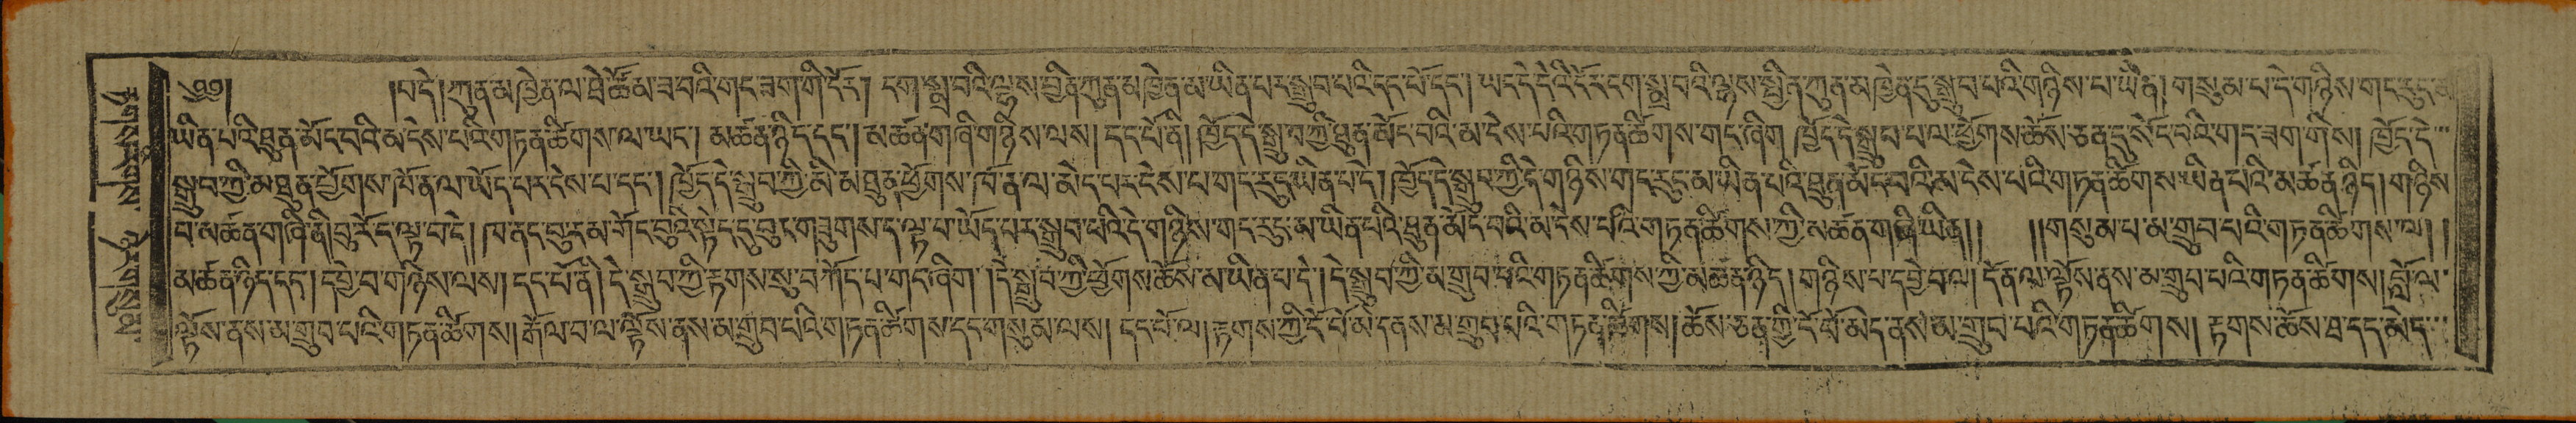༄༅། །བ་དེ། ?་ཀུན་མཁྱེན་ལ་ཐེ་ཚོམ་ཟ་བའི་གང་ཟག་གི་ངོར། ངག་སྨྲ་བའི་ལྷས་བྱིན་ཀུན་མཁྱེན་མ་ཡིན་པར་སྒྲུབ་པའི་དང་པོ་དང་། ཡང་དེ་དེའི་ངོར་ངག་སྨྲ་བའི་ལྷས་སྤྱིན་ཀུན་མཁྱེན་དུ་སྒྲུབ་པའི་གཉིས་པ་ཡིན། གསུམ་པ་དེ་གཉིས་གང་རུང་མ་
ཡིན་པའི་ཐུན་མོང་བའི་མ་ངེས་པའི་གཏན་ཚིགས་ལ་ཡང་། མཚན་ཉིད་དང་། མཚན་གཞི་གཉིས་ལས། དང་པོ་ནི། ཁྱོད་དེ་སྒྲུབ་ཀྱི་ཐུན་མོང་བའི་མ་ངེས་པའི་གཏན་ཚིགས་གང་ཞིག །ཁྱོད་དེ་སྒྲུབ་པ་ལ་ཕྱོགས་ཆོས་ཅན་དུ་སོང་བའི་གང་ཟག་གིས། ཁྱོད་དེ་
སྒྲུབ་ཀྱི་མཐུན་ཕྱོགས་ཁོ་ན་ལ་ཡོད་པར་ངེས་པ་དང་། ཁྱོད་དེ་སྒྲུབ་ཀྱི་མི་མཐུན་ཕྱོགས་ཁོ་ན་ལ་མེད་པར་ངེས་པ་གང་རུང་ཡིན་པ་དེ། ཁྱོད་དེ་སྒྲུབ་ཀྱི་དེ་གཉིས་གང་རུང་མ་ཡིན་པའི་ཐུན་མོང་བའི་མ་ངེས་པའི་གཏན་ཚིགས་ཡིན་པའི་མཚན་ཉིད། གཉིས་
པ་མཚན་གཞི་ནི། བུ་རོ་ད་ལྟ་བ་དེ། ཁ་ནང་བུ་རམ་གོང་བུའི་སྟེང་དུ་བུར་གཟུགས་ད་ལྟ་བ་ཡོད་པར་སྒྲུབ་པའི་དེ་གཉིས་གང་རུང་མ་ཡིན་པའི་ཐུན་མོང་བའི་མ་ངེས་པའི་གཏན་ཚིགས་ཀྱི་མཚན་གཞི་ཡིན།། །།གསུམ་པ་མ་གྲུབ་པའི་གཏན་ཚིགས་ལ། །
མཚན་ཉིད་དང་། དབྱེ་བ་གཉིས་ལས། དང་པོ་ནི། དེ་སྒྲུབ་ཀྱི་རྟགས་སུ་བཀོད་པ་གང་ཞིག །དེ་སྒྲུབ་ཀྱི་ཕྱོགས་ཆོས་མ་ཡིན་པ་དེ། དེ་སྒྲུབ་ཀྱི་མ་གྲུབ་པའི་གཏན་ཚིགས་ཀྱི་མཚན་ཉིད། གཉིས་པ་དབྱེ་བ་ལ། དོན་ལ་ལྟོས་ནས་མ་གྲུབ་པའི་གཏན་ཚིགས། བློ་ལ་
ལྟོས་ནས་མ་གྲུབ་པའི་གཏན་ཚིགས། རྒོལ་བ་ལ་ལྟོས་ནས་མ་གྲུབ་པའི་གཏན་ཚིགས་དང་གསུམ་ལས། དང་པོ་ལ། རྟགས་ཀྱི་ངོ་བོ་མེད་ནས་མ་གྲུབ་པའི་གཏན་ཚིགས། ཆོས་ཅན་གྱི་ངོ་བོ་མེད་ནས་མ་གྲུབ་པའི་གཏན་ཚིགས། རྟགས་ཆོས་ཐ་དད་མེད་